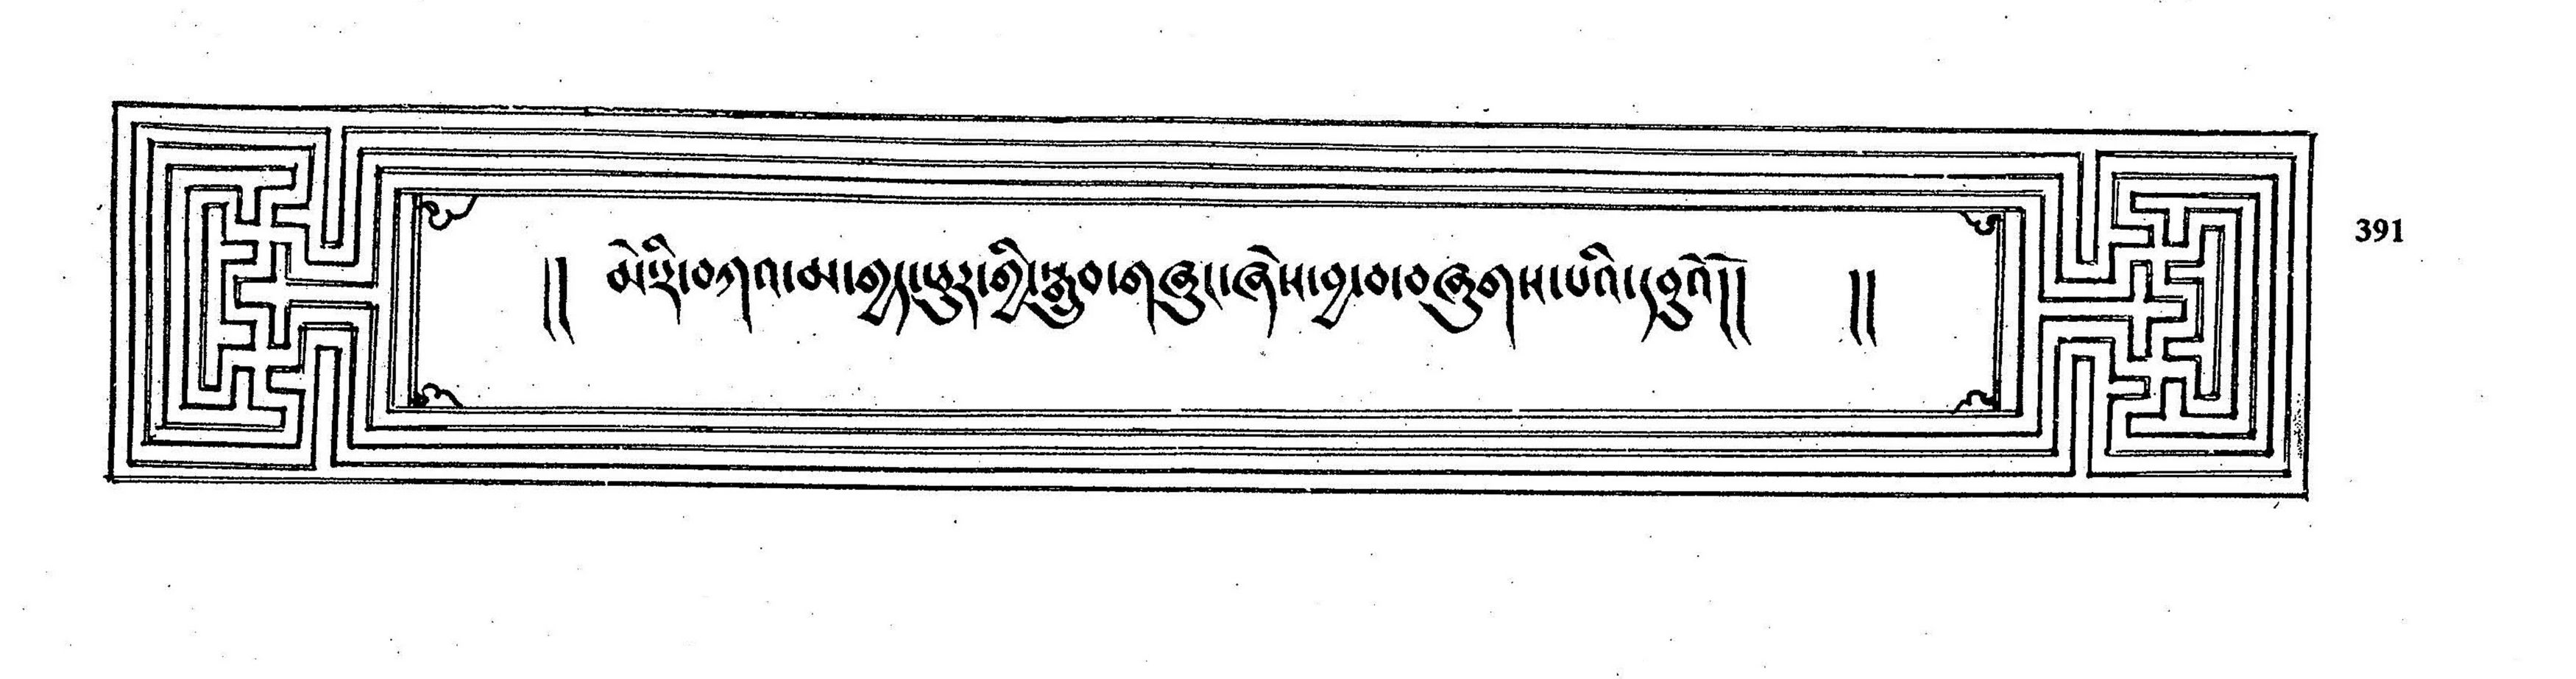{405}།། །། མེ་རི་བཀའ་མ་གྱད་ཕུར་གྱི་བསྒྲུབ་གཞུང་བཞུགས་པའི་དབུ་ཕྱོགས་ལགས་སོ།།